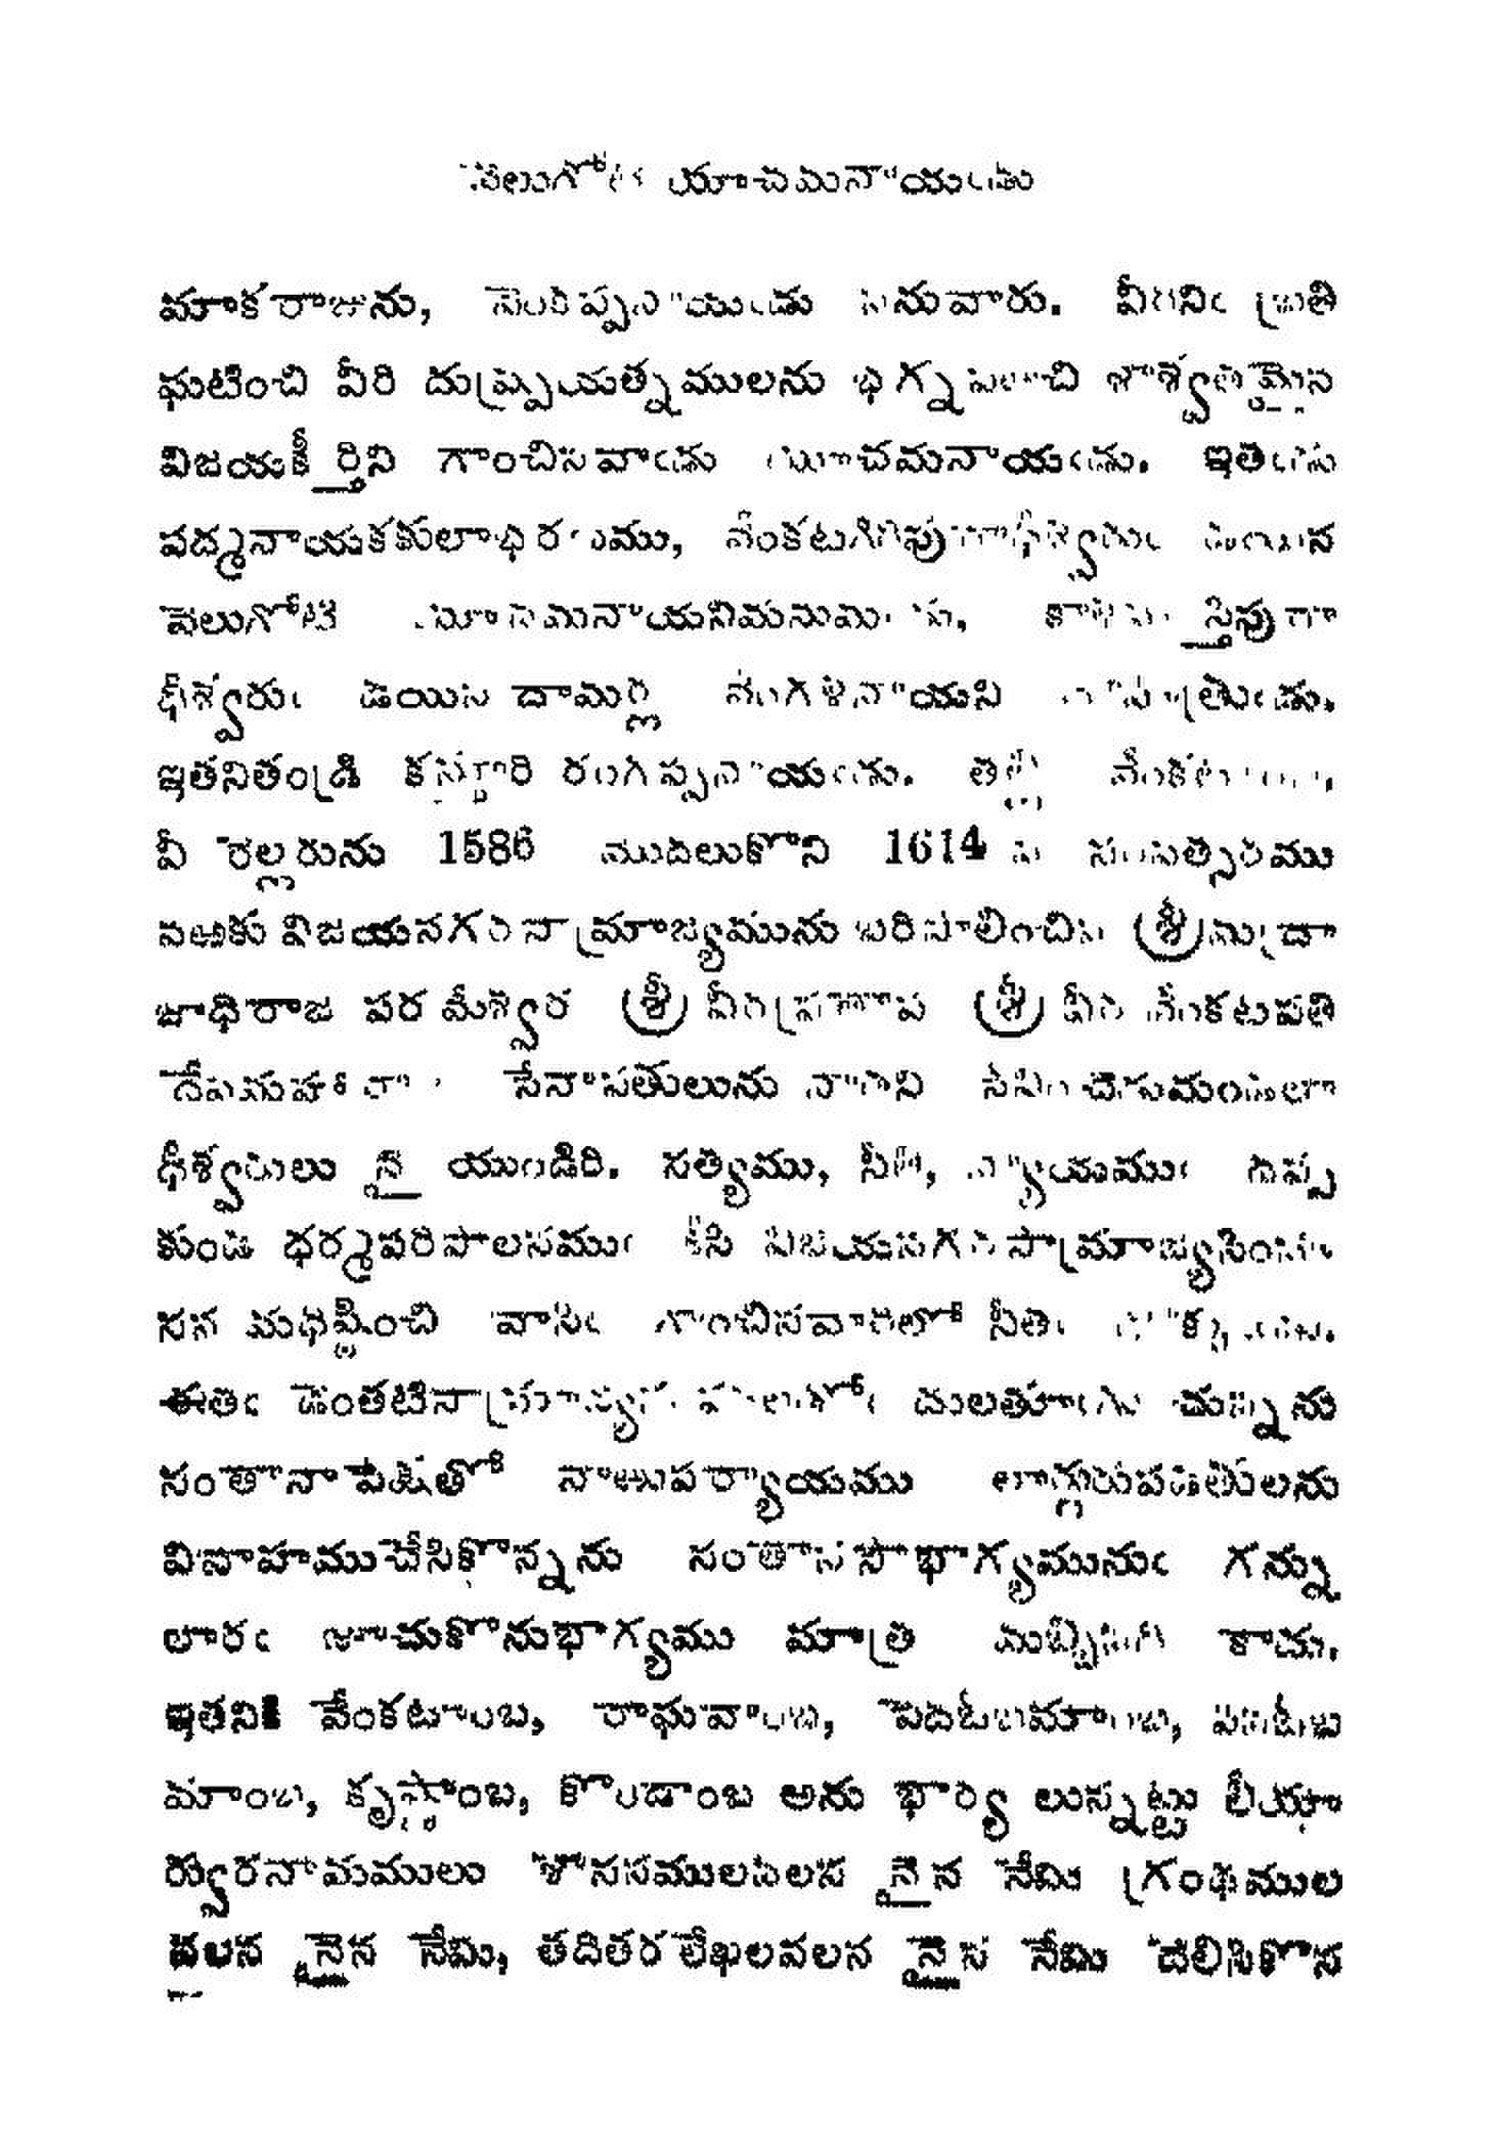మాకరాజును, వెంకప్పనాయఁడు ననువారు. వీరినిఁ బ్రతిఘటించి వీరి దుష్ప్రయత్నములను భగ్నపఱచి శాశ్వతమైన విజయకీర్తిని గాంచినవాఁడు యాచమనాయఁడు. ఇతఁడు పద్మనాయకకులాభరణము,వేంకటగిరిపురాధీశ్వరుఁ డయిన వెలుగోటి యాచమనాయనిమనుమఁడు. కాళహస్తిపురాధీశ్వరుఁ డయిన దామర్ల వెంగళనాయని దహోత్రుఁడు. ఇతనితండ్రి కస్తూరి రంగప్పనాయఁడు. తల్లి వేంకటాంబ. వీ రెల్లరును 1586 మొదలుకొని 1614 వ సంవత్సరము వఱకు విజయనగరసామ్రాజ్యమును బరిపాలించిన శ్రీమద్రాజాధిరాజ పరమేశ్వర శ్రీవీరప్రతాప శ్రీవీర వేంకటపతి దేవమహారాజ సేనాపతులును నాతని సేవించెడుమండలాధీశ్వరులు నై యుండిరి. సత్యము, నీతి, న్యాయముఁ దప్పకుండ ధర్మపరిపాలనముఁ జేసి విజయనగరసామ్రాజ్యసింహాసన మధిష్టించి వాసిఁ గాంచినవారిలో నీతఁ డొక్కఁడు. ఈతఁ డెంతటిసామ్రాజ్యసంపదలతో దులతూఁగు చున్నను సంతానాపేక్షతో నాఱుపర్యాయము లార్గురుపడతులను వివాహముచేసికొన్నను సంతానసౌభాగ్యమునుఁ గన్నులారఁ జూచుకొనుభాగ్యము మాత్ర మబ్బినది కాదు. ఇతనికి వేంకటాంబ, రాఘవాంబ, పెదఓబమాంబ, పినఓబమాంబ, కృష్ణాంబ, కొండాంబ అను భార్య లున్నట్టు లీయార్వురనామములు శాసనములవలన నైన నేమి గ్రంథముల వలన నైన నేమి, తదితరలేఖలవలన నైన నేమి దెలిసికొన